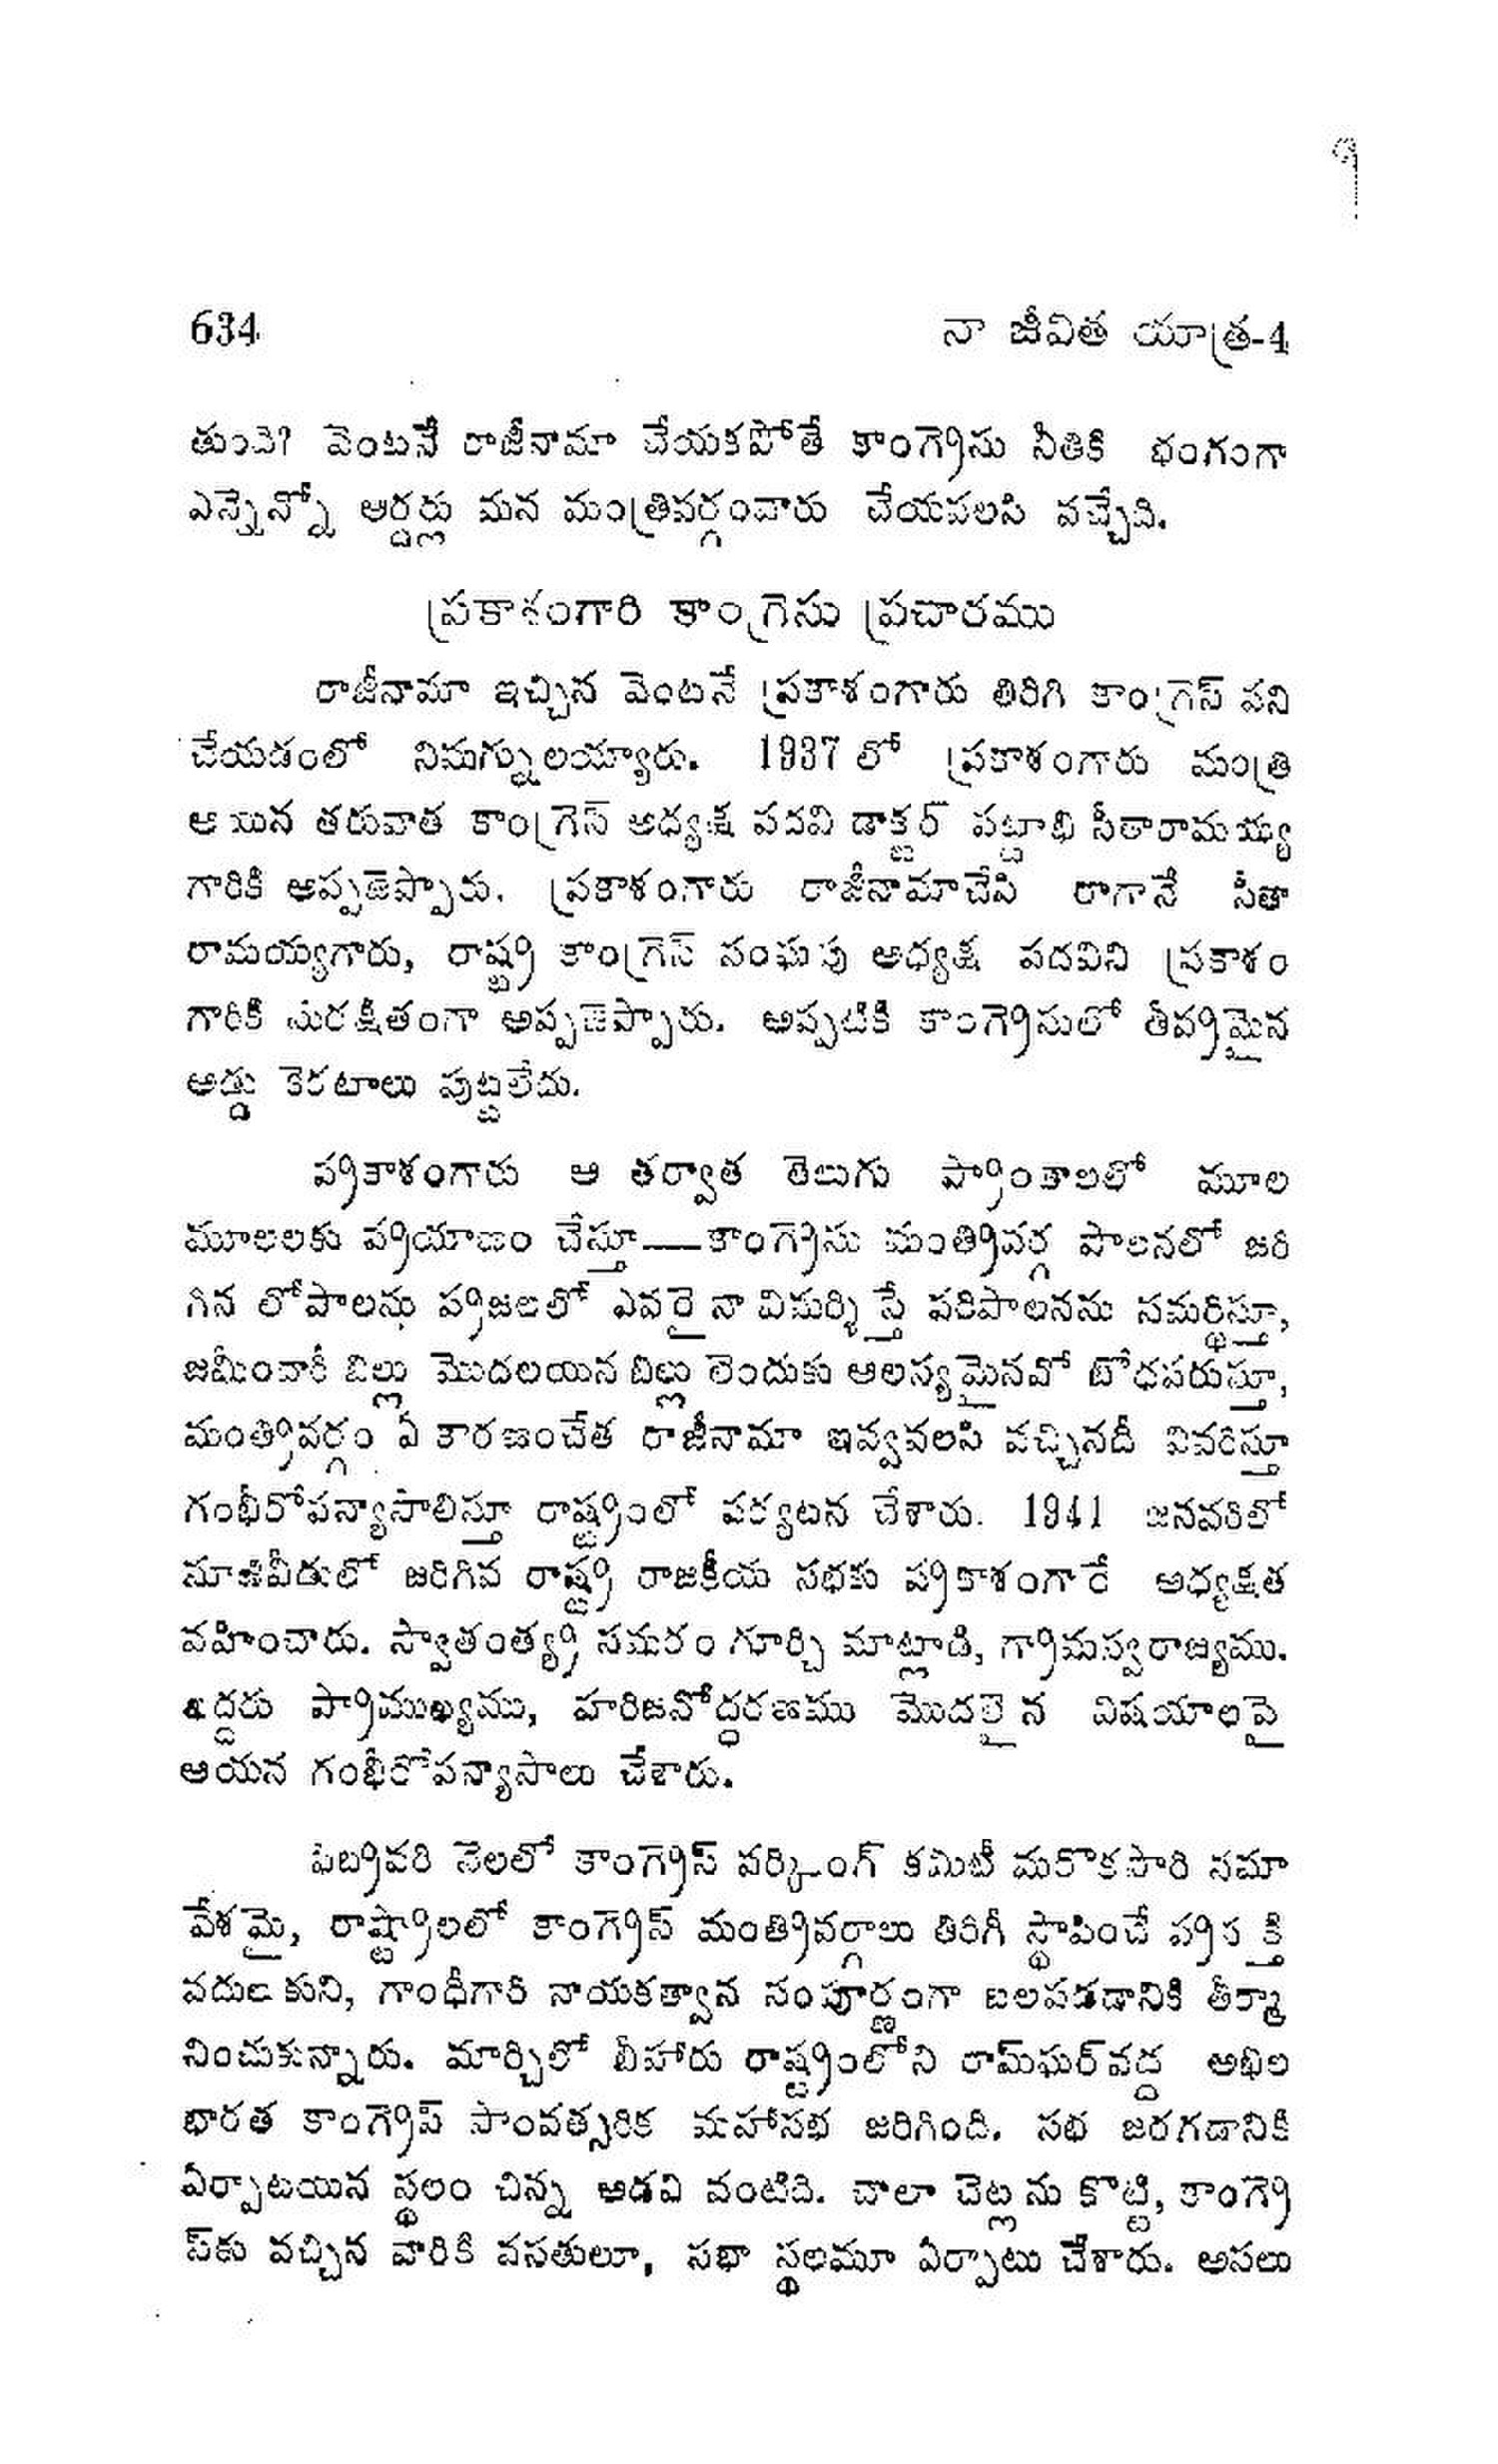తుంది? వెంటనే రాజీనామా చేయకపోతే కాంగ్రెసు నీతికి భంగంగా ఎన్నెన్నో ఆర్డర్లు మన మంత్రివర్గంవారు చేయవలసి వచ్చేది.

రాజీనామా ఇచ్చిన వెంటనే ప్రకాశంగారు తిరిగి కాంగ్రెస్ పని చేయడంలో నిమగ్ను లయ్యారు. 1937 లో ప్రకాశంగారు మంత్రి అయిన తరువాత కాంగ్రెస్ అధ్యక్ష పదవి డాక్టర్ పట్టాభి సీతారామయ్యగారికి అప్పజెప్పారు. ప్రకాశంగారు రాజీనామాచేసి రాగానే సీతారామయ్యగారు, రాష్ట్ర కాంగ్రెస్ సంఘపు అధ్యక్ష పదవిని ప్రకాశంగారికి సురక్షితంగా అప్పజెప్పారు. అప్పటికి కాంగ్రెసులో తీవ్రమైన అడ్డు కెరటాలు పుట్టలేదు.

ప్రకాశంగారు ఆ తర్వాత తెలుగు ప్రాంతాలలో మూల మూలలకు ప్రయాణం చేస్తూ - కాంగ్రెసు మంత్రివర్గ పాలనలో జరిగిన లోపాలను ప్రజలలో ఎవరైనా విమర్శిస్తే పరిపాలనను సమర్థిస్తూ, జమీందారీ బిల్లు మొదలయిన బిల్లు లెందుకు ఆలస్యమైనవో బోధపరుస్తూ మంత్రివర్గం ఏ కారణంచేత రాజీనామా ఇవ్వవలసి వచ్చినదీ వివరిస్తూ గంభీరోపన్యాసాలిస్తూ రాష్ట్రంలో పర్యటన చేశారు. 1941 జనవరిలో నూజివీడులో జరిగిన రాష్ట్ర రాజకీయ సభకు ప్రకాశంగారే అధ్యక్షత వహించారు. స్వాతంత్ర్య సమరం గూర్చి మాట్లాడి, గ్రామస్వరాజ్యము, ఖద్దరు ప్రాముఖ్యము, హరిజనోద్ధరణము మొదలైన విషయాలపై ఆయన గంభీరోపన్యాసాలు చేశారు.

ఫిబ్రవరి నెలలో కాంగ్రెస్ వర్కింగ్ కమిటీ మరొకసారి సమావేశమై, రాష్ట్రాలలో కాంగ్రెస్ మంత్రివర్గాలు తిరిగీ స్థాపించే ప్రసక్తి వదలుకుని, గాంధీగారి నాయకత్వాన సంపూర్ణంగా బలపడడానికి తీర్మానించుకున్నారు. మార్చిలో బీహారు రాష్ట్రంలోని రామ్‌ఘర్‌వద్ద అఖిల భారత కాంగ్రెస్ సాంవత్సరిక మహాసభ జరిగింది. సభ జరగడానికి ఏర్పాటయిన స్థలం చిన్న అడవి వంటిది. చాలా చెట్లను కొట్టి, కాంగ్రెస్‌కు వచ్చిన వారికి వసతులూ, సభా స్థలమూ ఏర్పాటు చేశారు. అసలు